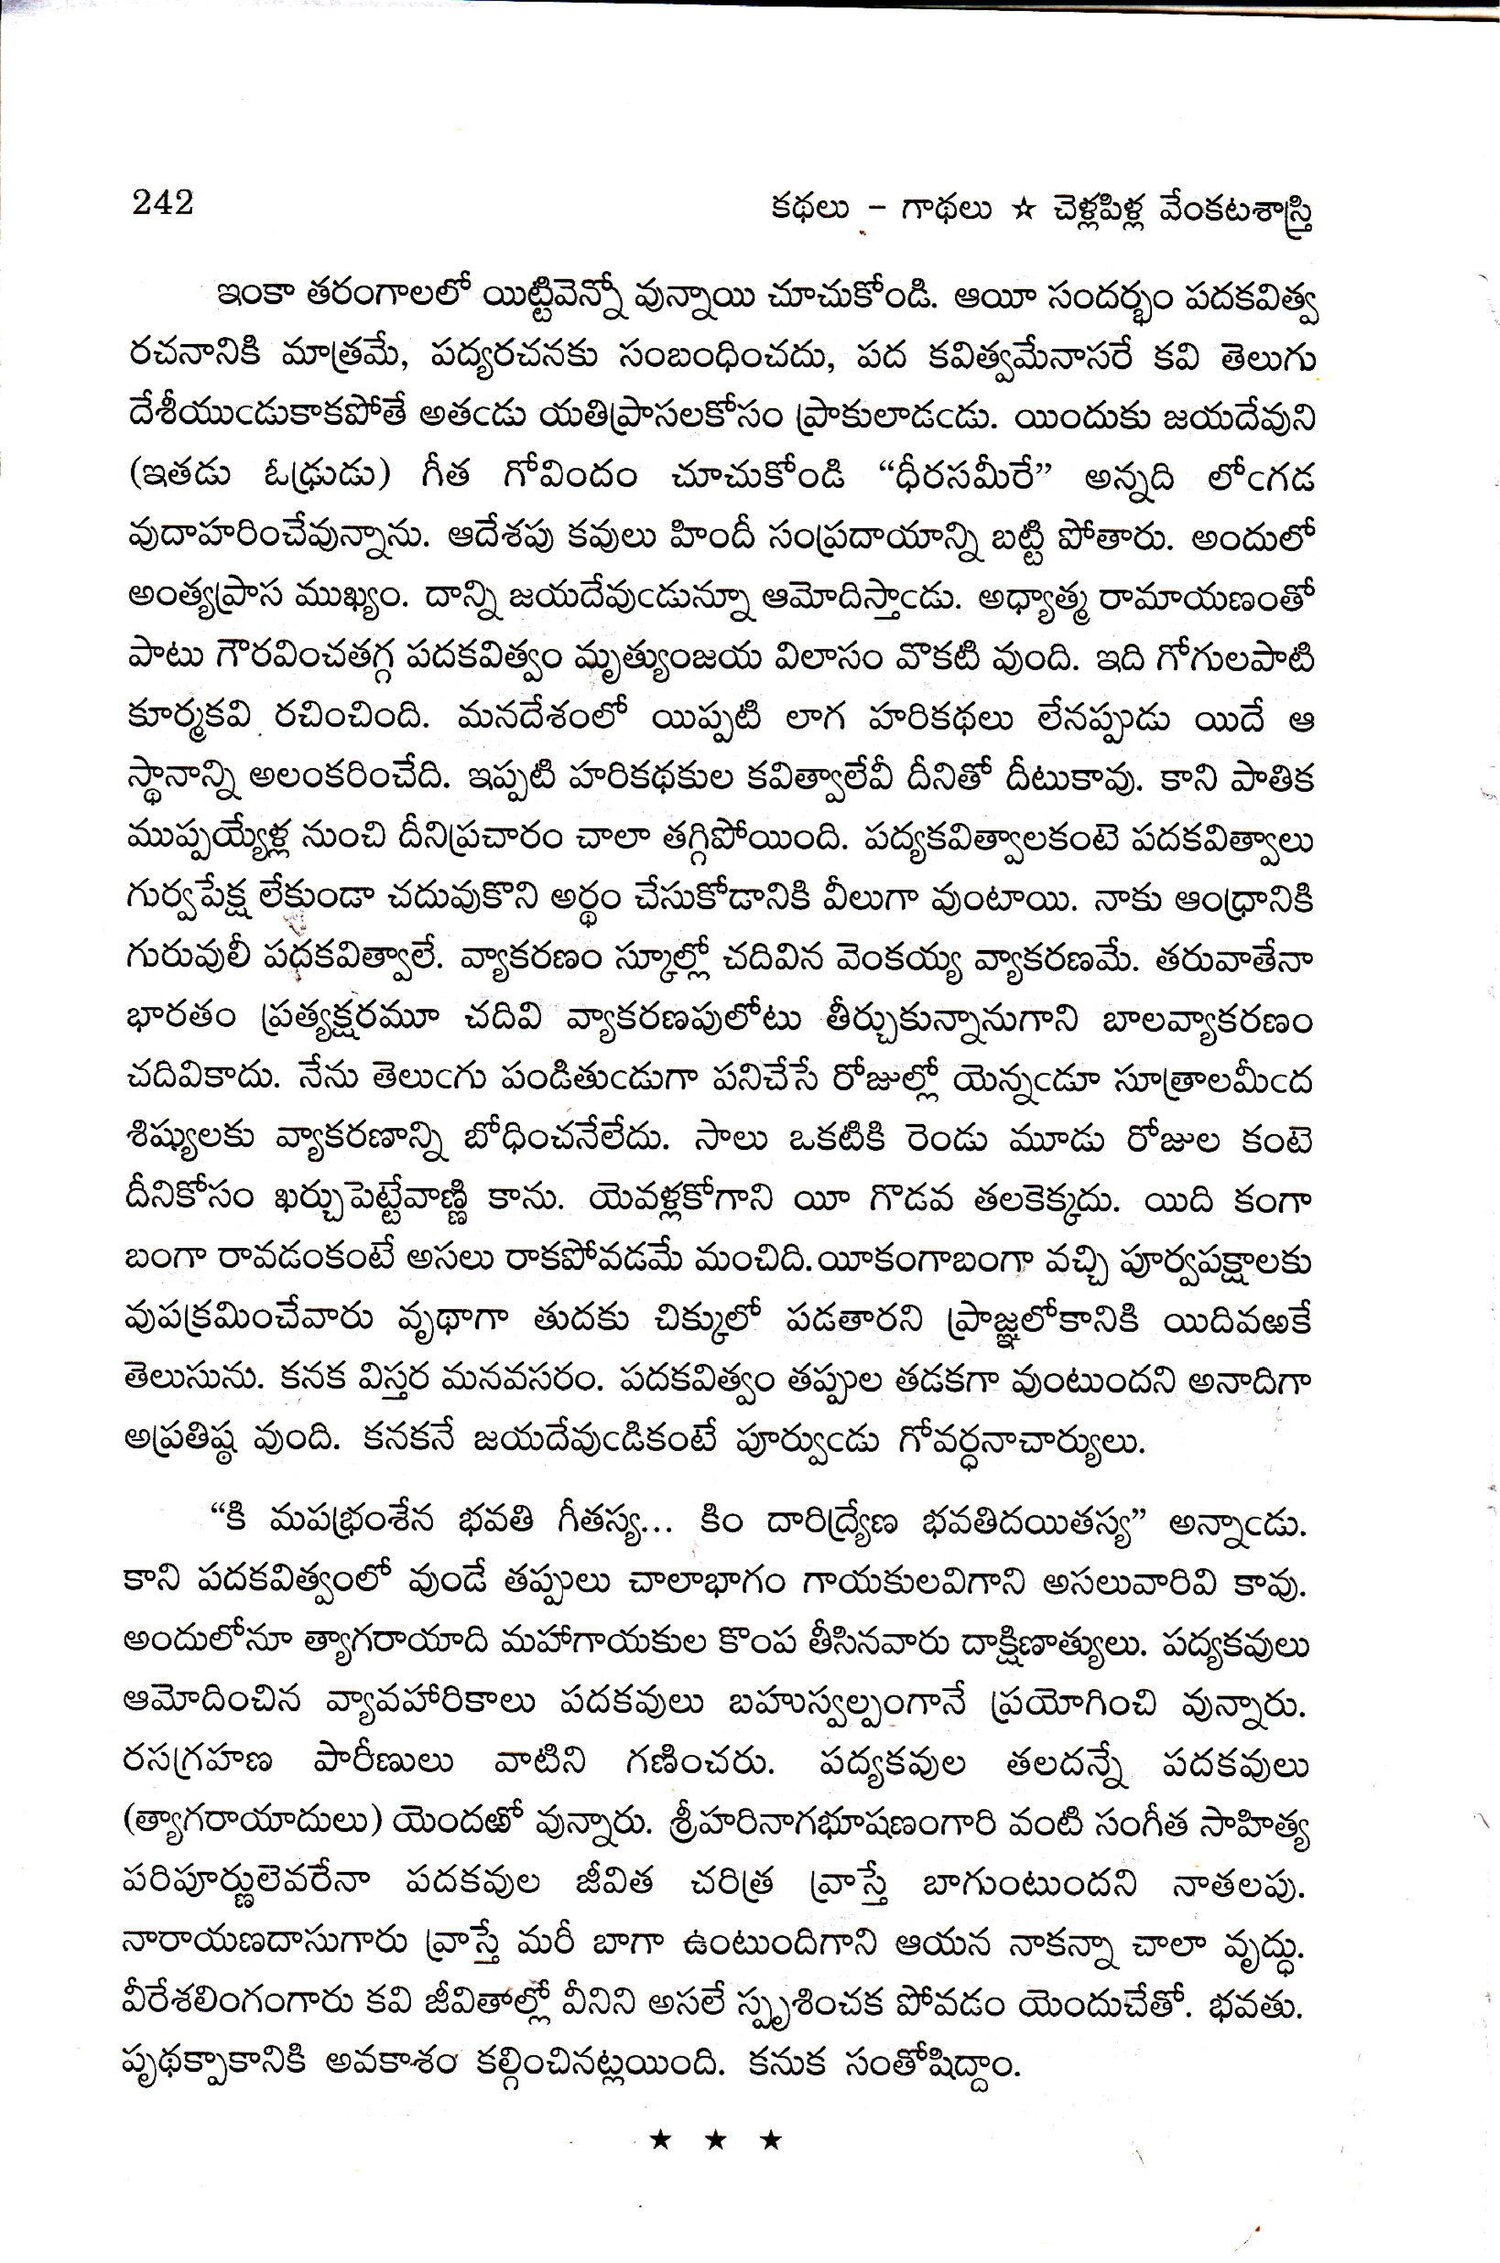ఇంకా తరంగాలలో యిట్టివెన్నో వున్నాయి చూచుకోండి. ఆయీ సందర్భం పదకవిత్వ రచనానికి మాత్రమే, పద్యరచనకు సంబంధించదు, పద కవిత్వమేనాసరే కవి తెలుగు దేశీయుఁడుకాకపోతే అతఁడు యతిప్రాసలకోసం ప్రాకులాడఁడు. యిందుకు జయదేవుని (ఇతడు ఓఢ్రుడు) గీత గోవిందం చూచుకోండి “ధీరసమీరే” అన్నది లోఁగడ వుదాహరించేవున్నాను. ఆదేశపు కవులు హిందీ సంప్రదాయాన్ని బట్టి పోతారు. అందులో అంత్యప్రాస ముఖ్యం. దాన్ని జయదేవుఁడున్నూ ఆమోదిస్తాఁడు. అధ్యాత్మ రామాయణంతో పాటు గౌరవించతగ్గ పదకవిత్వం మృత్యుంజయ విలాసం వొకటి వుంది. ఇది గోగులపాటి కూర్మకవి రచించింది. మనదేశంలో యిప్పటి లాగ హరికథలు లేనప్పుడు యిదే ఆ స్థానాన్ని అలంకరించేది. ఇప్పటి హరికథకుల కవిత్వాలేవీ దీనితో దీటుకావు. కాని పాతిక ముప్పయ్యేళ్ల నుంచి దీనిప్రచారం చాలా తగ్గిపోయింది. పద్యకవిత్వాలకంటె పదకవిత్వాలు గుర్వపేక్ష లేకుండా చదువుకొని అర్థం చేసుకోడానికి వీలుగా వుంటాయి. నాకు ఆంధ్రానికి గురువులీ పద్దకవిత్వాలే. వ్యాకరణం స్కూల్లో చదివిన వెంకయ్య వ్యాకరణమే. తరువాతేనా భారతం ప్రత్యక్షరమూ చదివి వ్యాకరణపులోటు తీర్చుకున్నానుగాని బాలవ్యాకరణం చదివికాదు. నేను తెలుఁగు పండితుఁడుగా పనిచేసే రోజుల్లో యెన్నఁడూ సూత్రాలమీఁద శిష్యులకు వ్యాకరణాన్ని బోధించనేలేదు. సాలు ఒకటికి రెండు మూడు రోజుల కంటె దీనికోసం ఖర్చుపెట్టేవాణ్ణి కాను. యెవళ్లకోగాని యీ గొడవ తలకెక్కదు. యిది కంగా బంగా రావడంకంటే అసలు రాకపోవడమే మంచిది.యీకంగాబంగా వచ్చి పూర్వపక్షాలకు వుపక్రమించేవారు వృథాగా తుదకు చిక్కులో పడతారని ప్రాజ్ఞలోకానికి యిదివఱకే తెలుసును. కనక విస్తర మనవసరం. పదకవిత్వం తప్పుల తడకగా వుంటుందని అనాదిగా అప్రతిష్ఠ వుంది. కనకనే జయదేవుఁడికంటే పూర్వఁడు గోవర్ధనాచార్యులు.

“కి మపభ్రంశేన భవతి గీతస్య. కిం దారిద్ర్యేణ భవతిదయితస్య" అన్నాఁడు. కాని పదకవిత్వంలో వుండే తప్పులు చాలాభాగం గాయకులవిగాని అసలువారివి కావు. అందులోనూ త్యాగరాయాది మహాగాయకుల కొంప తీసినవారు దాక్షిణాత్యులు. పద్యకవులు ఆమోదించిన వ్యావహారికాలు పదకవులు బహుస్వల్పంగానే ప్రయోగించి వున్నారు. రసగ్రహణ పారీణులు వాటిని గణించరు. పద్యకవుల తలదన్నే పదకవులు (త్యాగరాయాదులు) యెందఱో వున్నారు. శ్రీహరినాగభూషణంగారి వంటి సంగీత సాహిత్య పరిపూర్ణులెవరేనా పదకవుల జీవిత చరిత్ర వ్రాస్తే బాగుంటుందని నాతలపు. నారాయణదాసుగారు వ్రాస్తే మరీ బాగా ఉంటుందిగాని ఆయన నాకన్నా చాలా వృద్దు. వీరేశలింగంగారు కవి జీవితాల్లో వీనిని అసలే స్పృశించక పోవడం యెందుచేతో, భవతు. పృథక్పాకానికి అవకాశం కల్గించినట్లయింది. కనుక సంతోషిద్దాం.